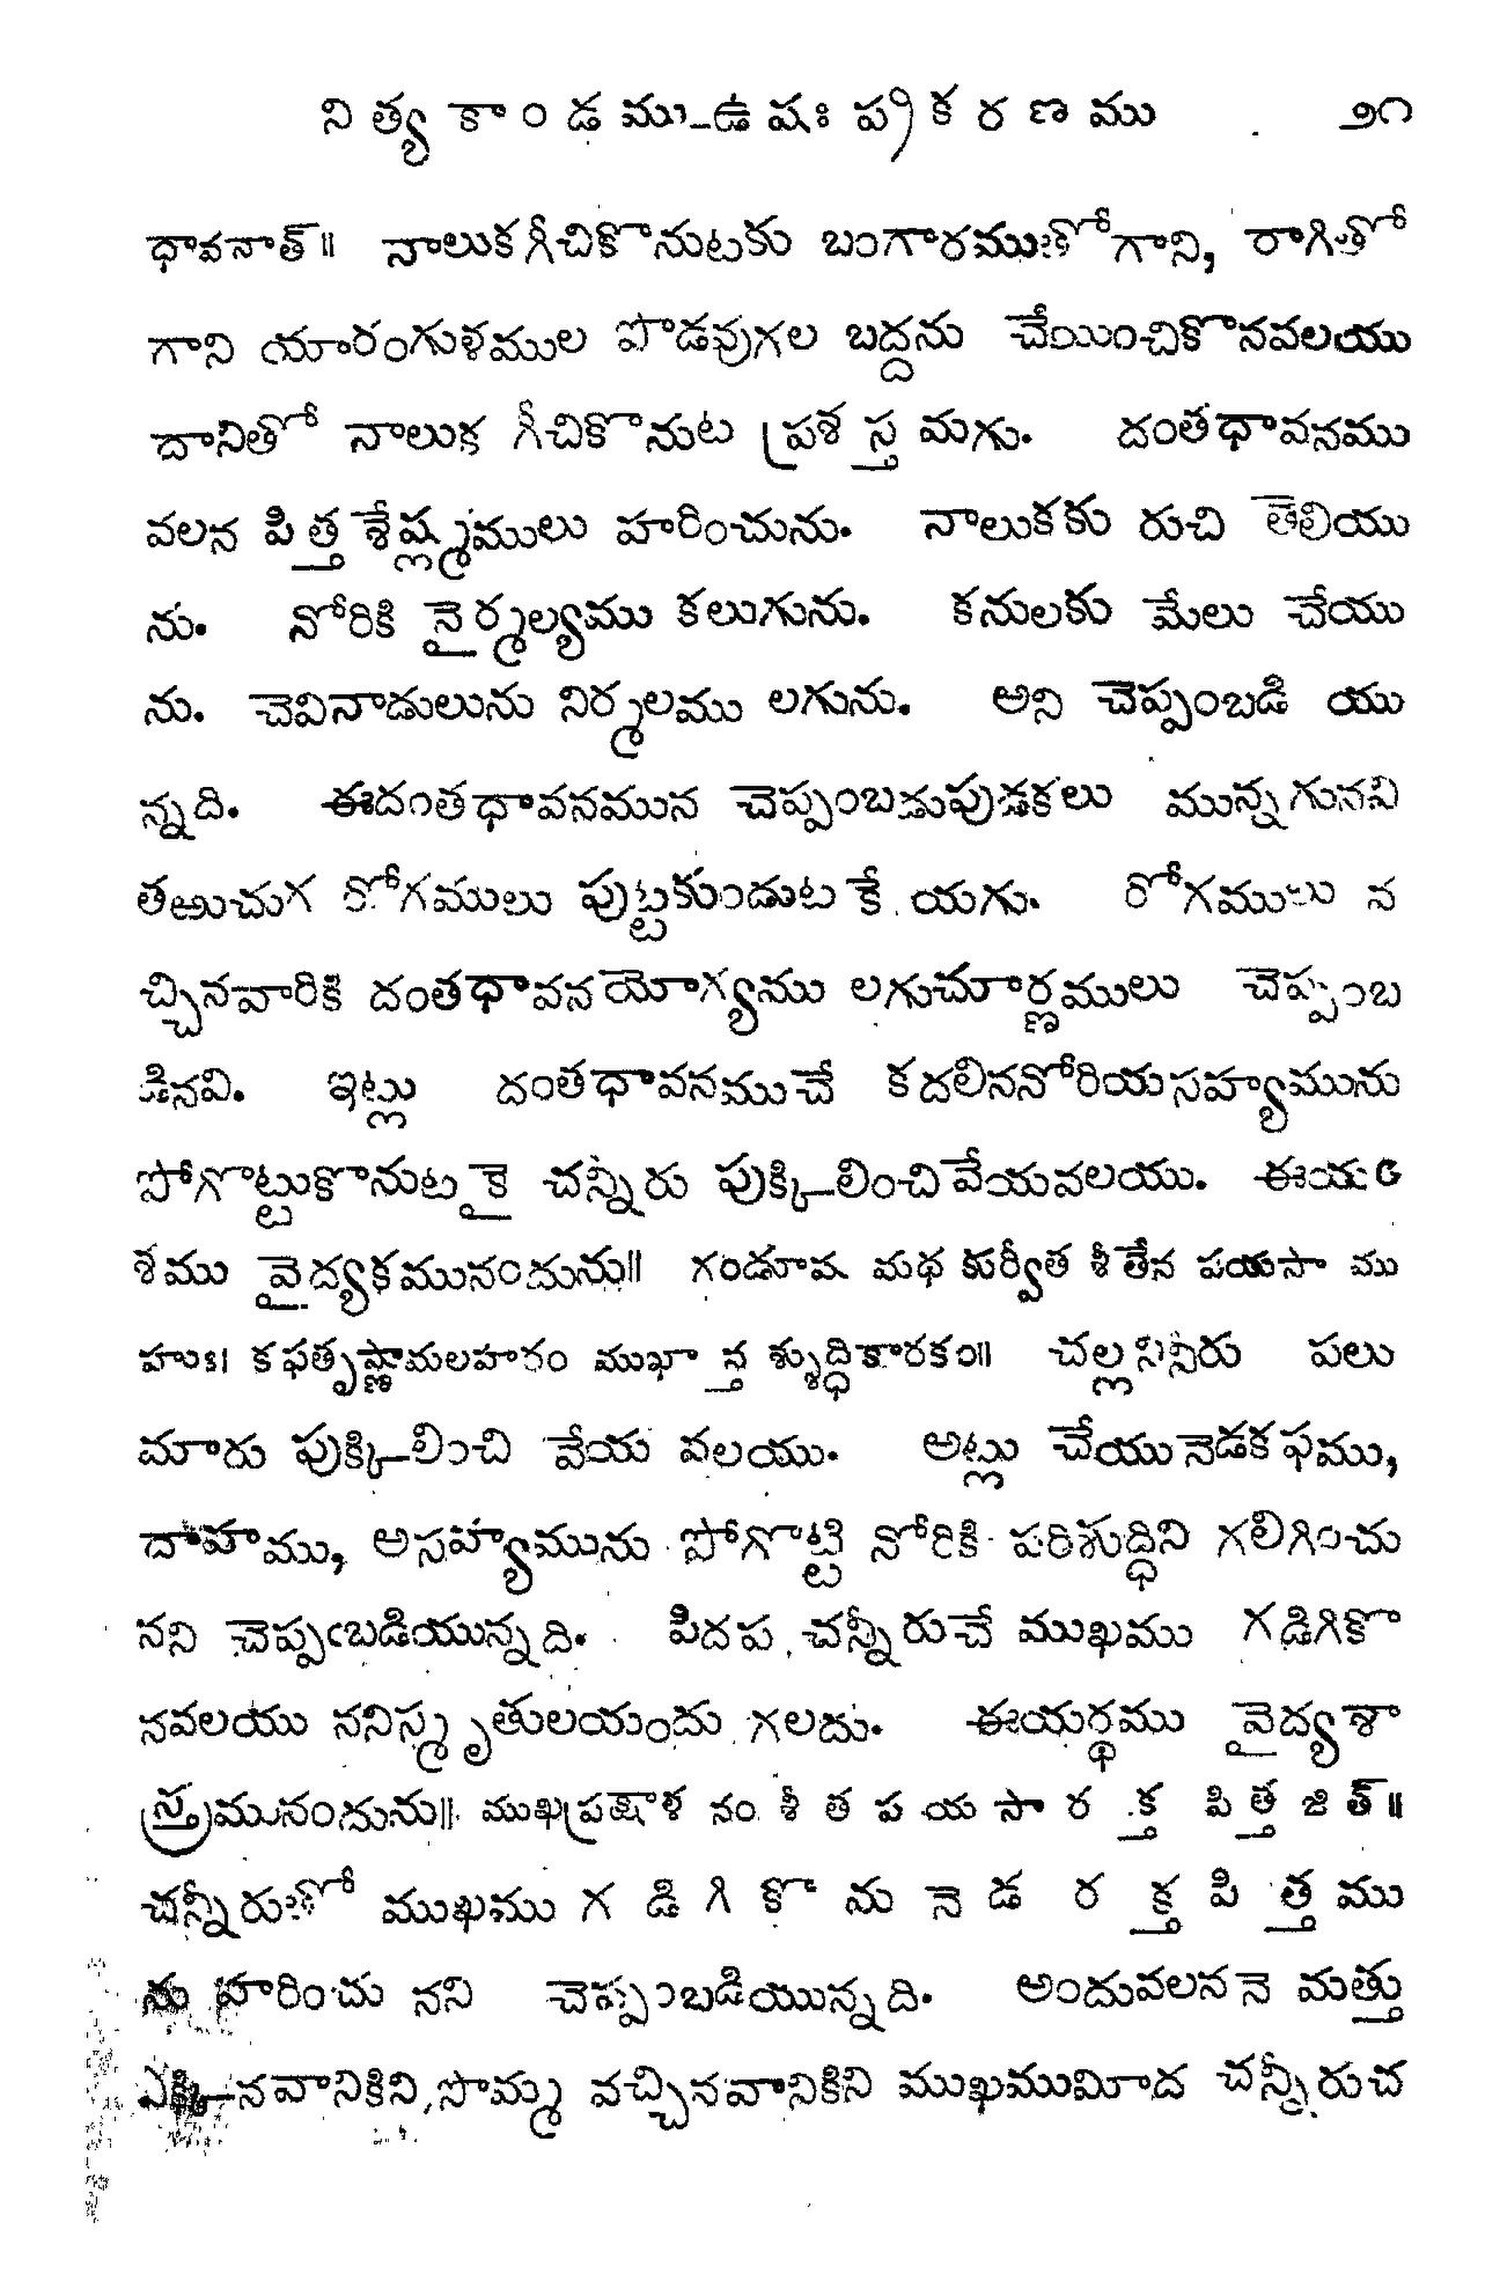ధావనాత్॥ నాలుకగీచికొనుటకు బంగారముతోగాని, రాగితోగాని యారంగుళముల పొడవుగల బద్దను చేయించికొనవలయు దానితో నాలుక గీచికొనుట ప్రశస్త మగు. దంతధావనము వలన పిత్తశేష్ల్మములు హరించును. నాలుకకు రుచి తెలియును. నోరికి నైర్మల్యము కలుగును. కనులకు మేలు చేయును. చెవినాడులును నిర్మలము లగును. అని చెప్పంబడి యున్నది. ఈదంతధావనమున చెప్పంబడుపుడకలు మున్నగునవి తఱుచుగ రోగములు పుట్టకుండుటకే యగు. రోగములు వచ్చినవారికి దంతధావనయోగ్యము లగుచూర్ణములు చెప్పంబడినవి. ఇట్లు దంతధావనముచే కదలిననోరియసహ్యమును పోగొట్టుకొనుటకై చన్నీరు పుక్కిలించివేయవలయు. ఈయంశము వైద్యకమునందును॥ గండూష మథ కుర్వీత శీతేన పయసా ముహుః। కఫతృష్ణామలహరం ముఖా న్త శ్శుద్ధికారకం॥ చల్లనినీరు పలుమారు పుక్కిలించి వేయ వలయు. అట్లు చేయునెడకఫము, దాహము, అసహ్యమును పోగొట్టి నోరికి పరిశుద్ధిని గలిగించునని చెప్పఁబడియున్నది. పిదప, చన్నీరుచే ముఖము గడిగికొనవలయు ననిస్మృతులయందు గలదు. ఈయర్థము వైద్యశాస్త్రమునందును॥ ముఖప్రక్షాళ నం శీత పయసారక్త పిత్తజిత్॥ చన్నీరుతో ముఖము గడిగికొనునెడ రక్తపిత్తమును హరించు నని చెప్పబడియున్నది. అందువలననె మత్తు ఎక్కినవానికిని, సొమ్మ వచ్చినవానికిని ముఖముమీద చన్నీరుచ